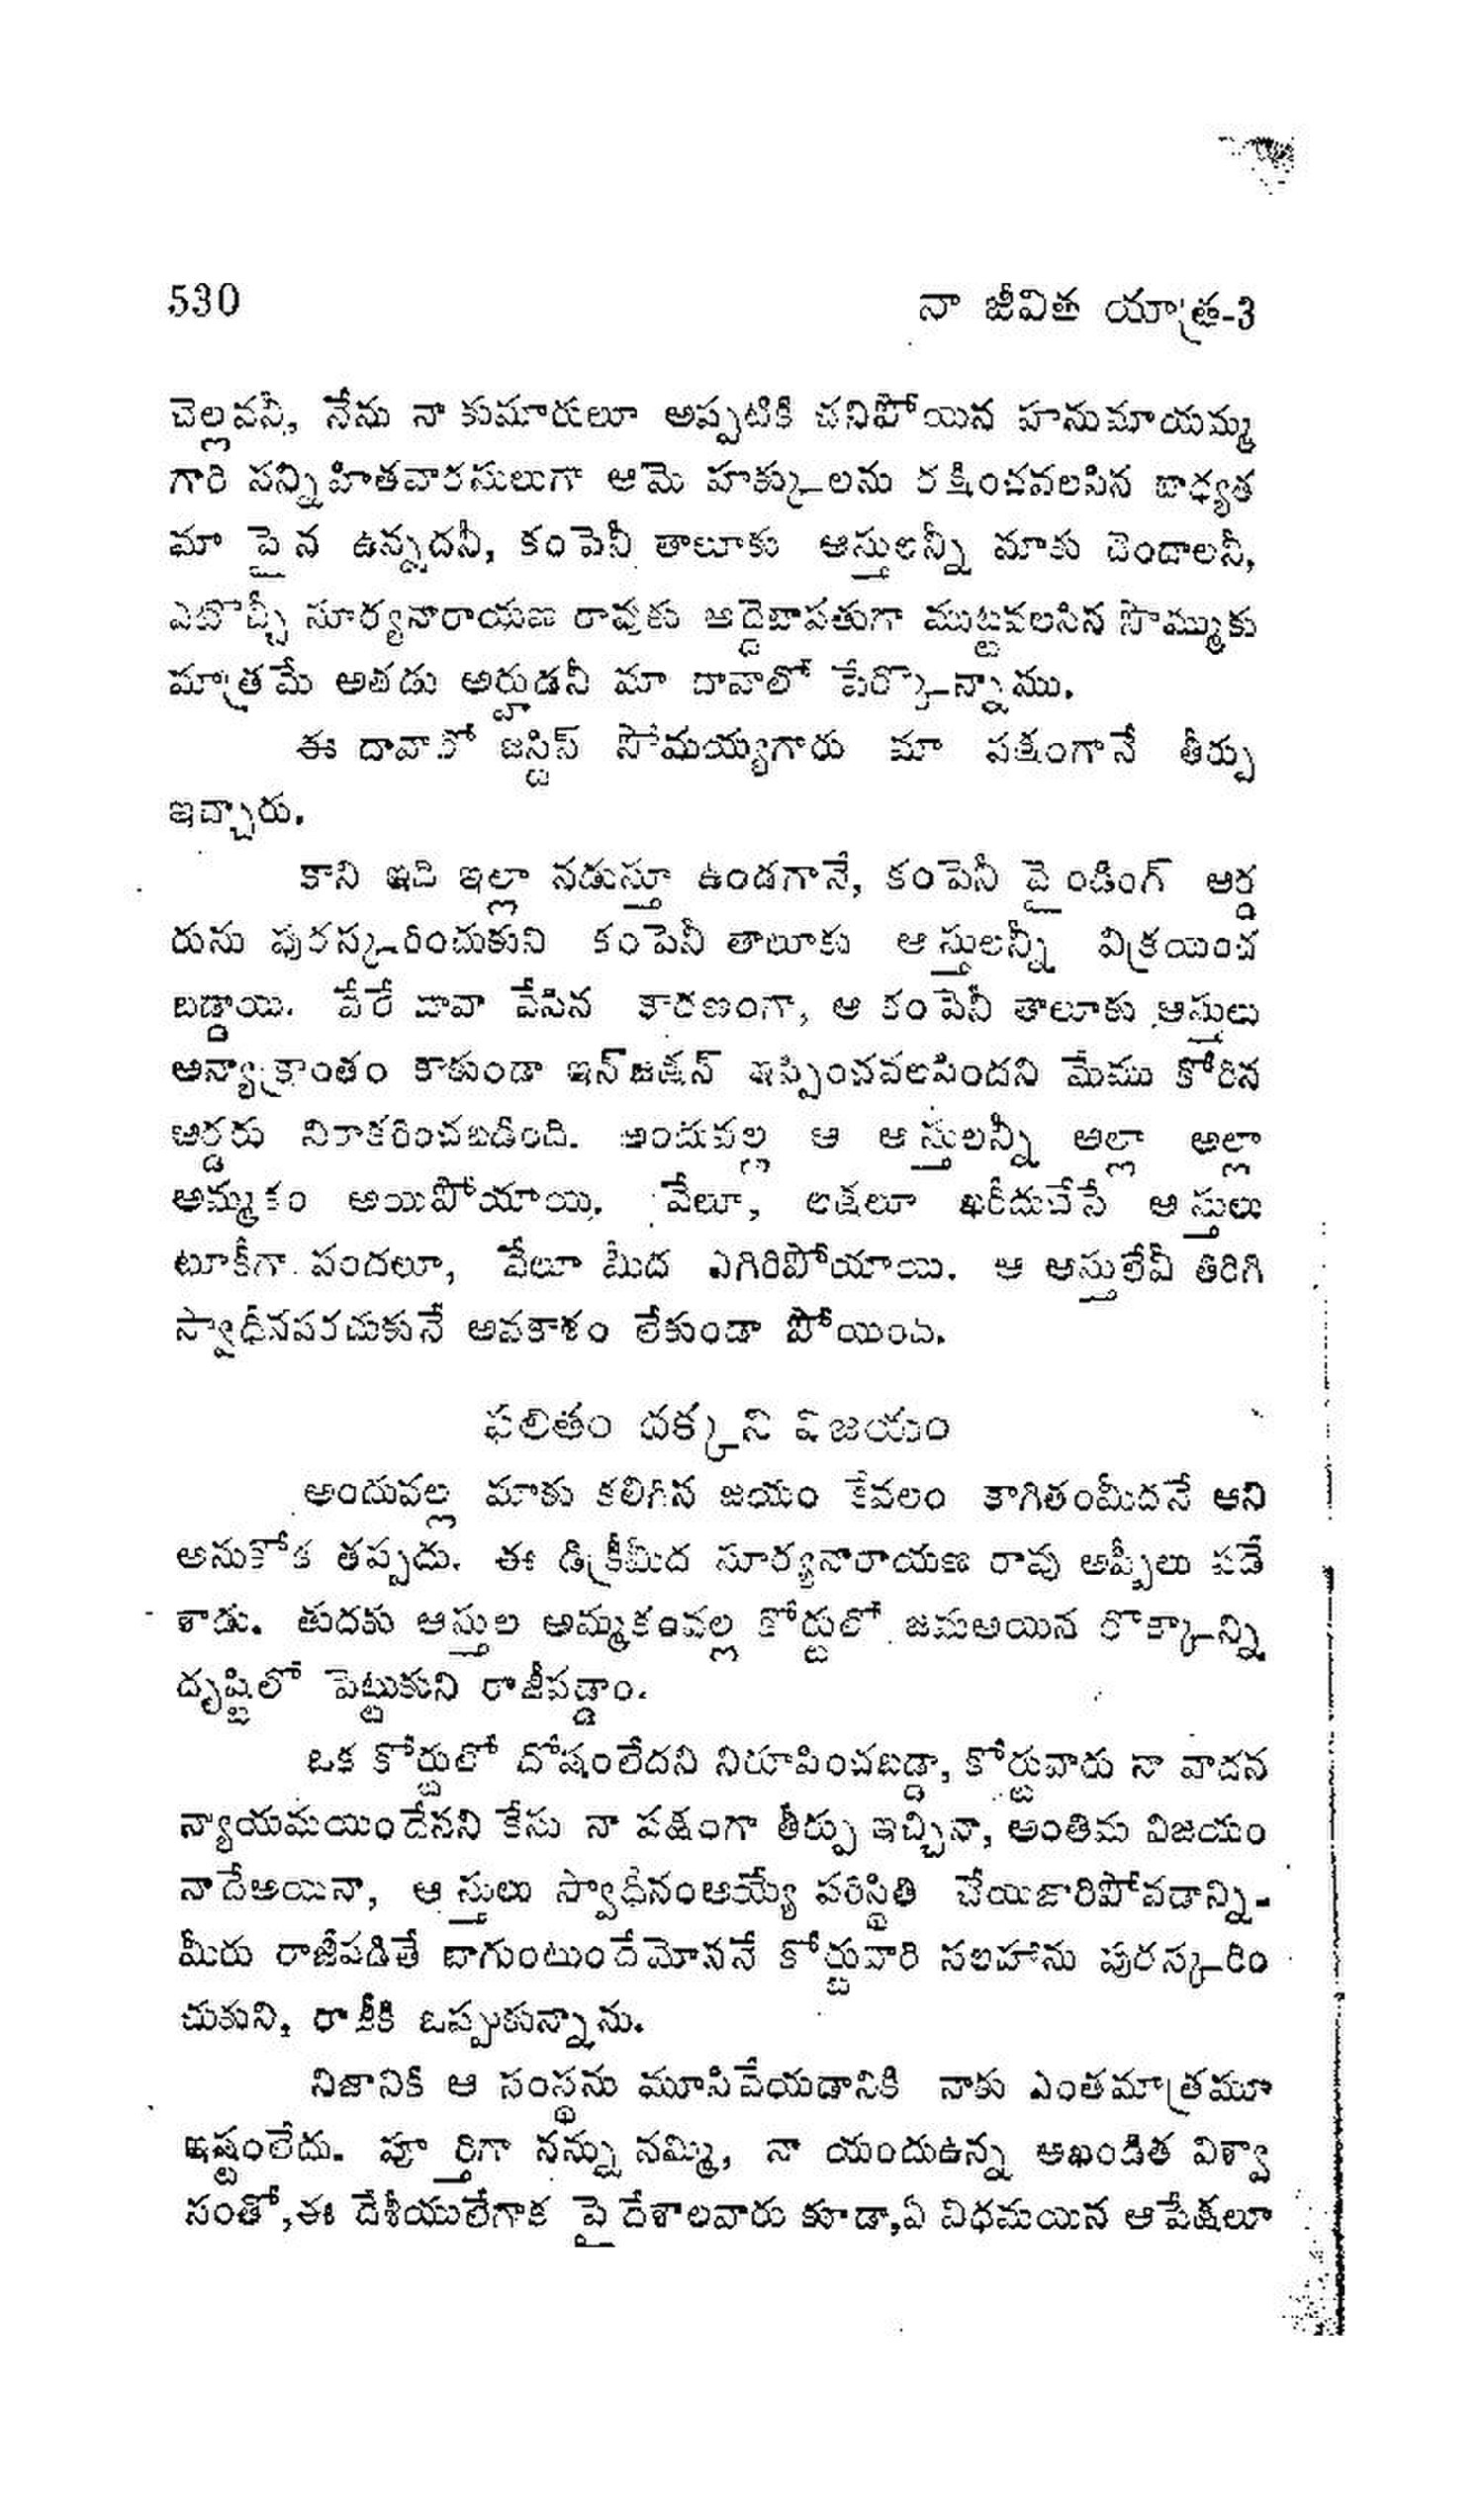చెల్లవనీ, నేను నా కుమారులూ అప్పటికి చనిపోయిన హనుమాయమ్మగారి సన్నిహితవారసులుగా ఆమె హక్కులను రక్షించవలసిన బాధ్యత మా పైన ఉన్నదనీ, కంపెనీ తాలూకు ఆస్తులన్నీ మాకు చెందాలనీ, ఎటొచ్చీ సూర్యనారాయణ రావుకు అద్దెబాపతుగా ముట్టవలసిన సొమ్ముకు మాత్రమే అతడు అర్హుడనీ మా దావాలో పేర్కొన్నాము.

ఈ దావాలో జస్టిస్ సోమయ్యగారు మా పక్షంగానే తీర్పు ఇచ్చారు.

కాని ఇది ఇల్లా నడుస్తూ ఉండగానే, కంపెనీ వైండింగ్ ఆర్డరును పురస్కరించుకుని కంపెనీ తాలూకు ఆస్తులన్నీ విక్రయించబడ్డాయి. వేరే దావా వేసిన కారణంగా, ఆ కంపెనీ తాలూకు ఆస్తులు అన్యాక్రాంతం కాకుండా ఇన్‌జక్షన్ ఇప్పించవలసిందని మేము కోరిన ఆర్డరు నిరాకరించబడింది. అందువల్ల ఆ ఆస్తులన్నీ అల్లా అల్లా అమ్మకం అయిపోయాయి. వేలూ, లక్షలూ ఖరీదుచేసే ఆస్తులు టూకీగా వందలూ, వేలూ మీద ఎగిరిపోయాయి. ఆ ఆస్తులేవీ తిరిగి స్వాధీనపరచుకునే అవకాశం లేకుండా పోయింది.

అందువల్ల మాకు కలిగిన జయం కేవలం కాగితంమీదనే అని అనుకోక తప్పదు. ఈ డిక్రీమీద సూర్యనారాయణ రావు అప్పీలు పడేశాడు. తుదకు ఆస్తుల అమ్మకంవల్ల కోర్టులో జమఅయిన రొక్కాన్ని దృష్టిలో పెట్టుకుని రాజీపడ్డాం.

ఒక కోర్టులో దోషంలేదని నిరూపించబడ్డా, కోర్టువారు నా వాదన న్యాయమయిందేనని కేసు నా పక్షంగా తీర్పు ఇచ్చినా, అంతిమ విజయం నాదేఅయినా, ఆస్తులు స్వాధీనంఅయ్యే పరిస్థితి చేయిజారిపోవడాన్ని - మీరు రాజీపడితే బాగుంటుందేమోననే కోర్టువారి సలహాను పురస్కరించుకుని, రాజీకి ఒప్పుకున్నాను.

నిజానికి ఆ సంస్థను మూసివేయడానికి నాకు ఎంతమాత్రమూ ఇష్టంలేదు. పూర్తిగా నన్ను నమ్మి, నా యందుఉన్న అఖండిత విశ్వాసంతో, ఈ దేశీయులేగాక పైదేశాలవారు కూడా, ఏ విధమయిన అపేక్షలూ